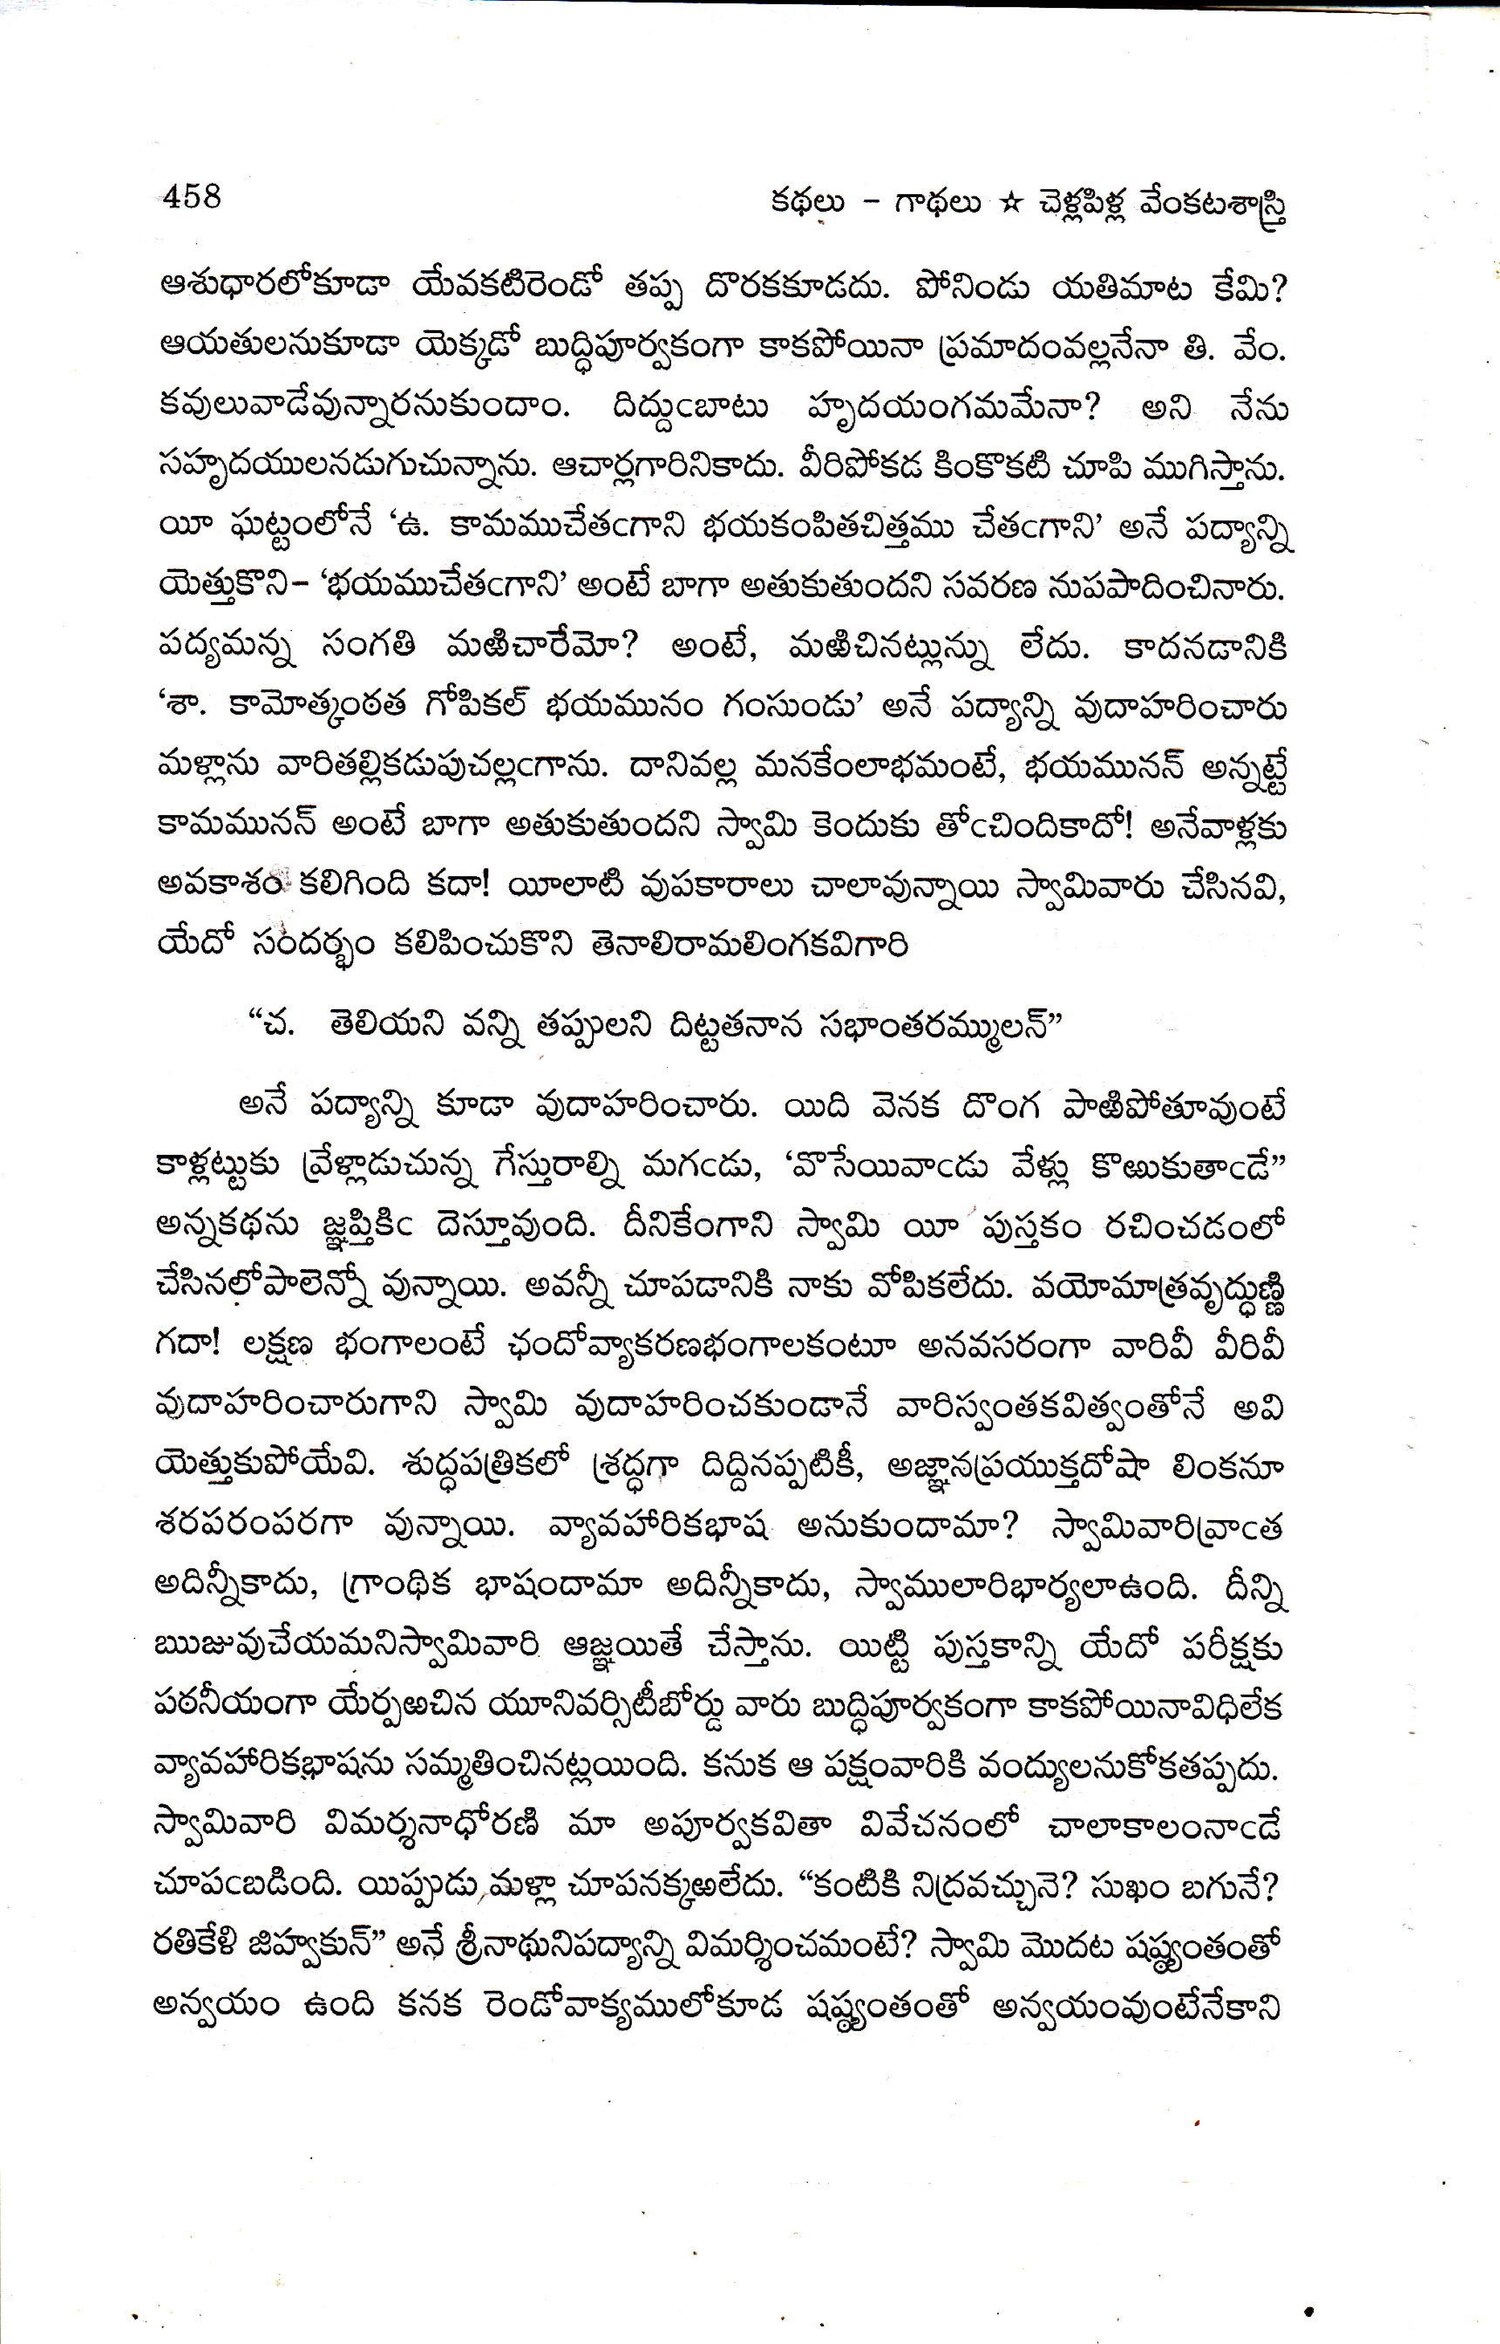ఆశుధారలోకూడా యేవకటిరెండో తప్ప దొరకకూడదు. పోనిండు యతిమాట కేమి? ఆయతులనుకూడా యెక్కడో బుద్ధిపూర్వకంగా కాకపోయినా ప్రమాదంవల్లనేనా తి. వేం. కవులువాడేవున్నారనుకుందాం. దిద్దుఁబాటు హృదయంగమమేనా? అని నేను సహృదయులనడుగుచున్నాను. ఆచార్లగారినికాదు. వీరిపోకడ కింకొకటి చూపి ముగిస్తాను. యీ ఘట్టంలోనే ‘ఉ. కామముచేతఁగాని భయకంపితచిత్తము చేతఁగాని అనే పద్యాన్ని యెత్తుకొని- 'భయముచేతఁగాని' అంటే బాగా అతుకుతుందని సవరణ నుపపాదించినారు. పద్యమన్న సంగతి మఱిచారేమో? అంటే, మఱిచినట్లున్ను లేదు. కాదనడానికి 'శా. కామోత్కంఠత గోపికల్ భయమునం గంసుండు' అనే పద్యాన్ని వుదాహరించారు మళ్లాను వారితల్లికడుపుచల్లఁగాను. దానివల్ల మనకేంలాభమంటే, భయమునన్ అన్నట్టే కామమునన్ అంటే బాగా అతుకుతుందని స్వామి కెందుకు తోcచిందికాదో! అనేవాళ్లకు అవకాశం కలిగింది కదా! యీలాటి వుపకారాలు చాలావున్నాయి స్వామివారు చేసినవి, యేదో సరీదర్భం కలిపించుకొని తెనాలిరామలింగకవిగారి

“చ. తెలియని వన్ని తప్పులని దిట్టతనాన సభాంతరమ్ములన్”
అనే పద్యాన్ని కూడా వుదాహరించారు. యిది వెనక దొంగ పాఱిపోతూవుంటే కాళ్లట్టుకు వ్రేళ్లాడుచున్న గేస్తురాల్ని మగఁడు, "వొసేయివాఁడు వేళ్లు కొఱుకుతాండే" అన్నకథను జ్ఞప్తికిఁ దెస్తూవుంది. దీనికేంగాని స్వామి యీ పుస్తకం రచించడంలో చేసినలోపాలెన్నో వున్నాయి. అవన్నీ చూపడానికి నాకు వోపికలేదు. వయోమాత్రవృద్దుణ్ణి గదా! లక్షణ భంగాలంటే ఛందోవ్యాకరణభంగాలకంటూ అనవసరంగా వారివీ వీరివీ వుదాహరించారుగాని స్వామి వుదాహరించకుండానే వారిస్వంతకవిత్వంతోనే అవి యెత్తుకుపోయేవి. శుద్ధపత్రికలో శ్రద్ధగా దిద్దినప్పటికీ, అజ్ఞానప్రయుక్తదోషా లింకనూ శరపరంపరగా వున్నాయి. వ్యావహారికభాష అనుకుందామా? స్వామివారి వ్రాఁత అదిన్నీకాదు, గ్రాంథిక భాషందామా అదిన్నీకాదు, స్వాములారిభార్యలాఉంది. దీన్ని ఋజువుచేయమనిస్వామివారి ఆజ్ఞయితే చేస్తాను. యిట్టి పుస్తకాన్ని యేదో పరీక్షకు పఠనీయంగా యేర్పఱచిన యూనివర్సిటీబోర్డు వారు బుద్ధిపూర్వకంగా కాకపోయినావిధిలేక వ్యావహారికభాషను సమ్మతించినట్లయింది. కనుక ఆ పక్షంవారికి వంద్యులనుకోకతప్పదు. స్వామివారి విమర్శనాధోరణి మా అపూర్వకవితా వివేచనంలో చాలాకాలంనాఁడే చూపఁబడింది. యిప్పుడు, మళ్లా చూపనక్కఱలేదు. “కంటికి నిద్రవచ్చునె? సుఖం బగునే? రతికేళి జిహ్వకున్” అనే శ్రీనాథునిపద్యాన్ని విమర్శించమంటే? స్వామి మొదట షష్ట్యంతంతో అన్వయం ఉంది కనక రెండోవాక్యములోకూడ షష్ఠ్యంతంతో అన్వయంవుంటేనేకాని